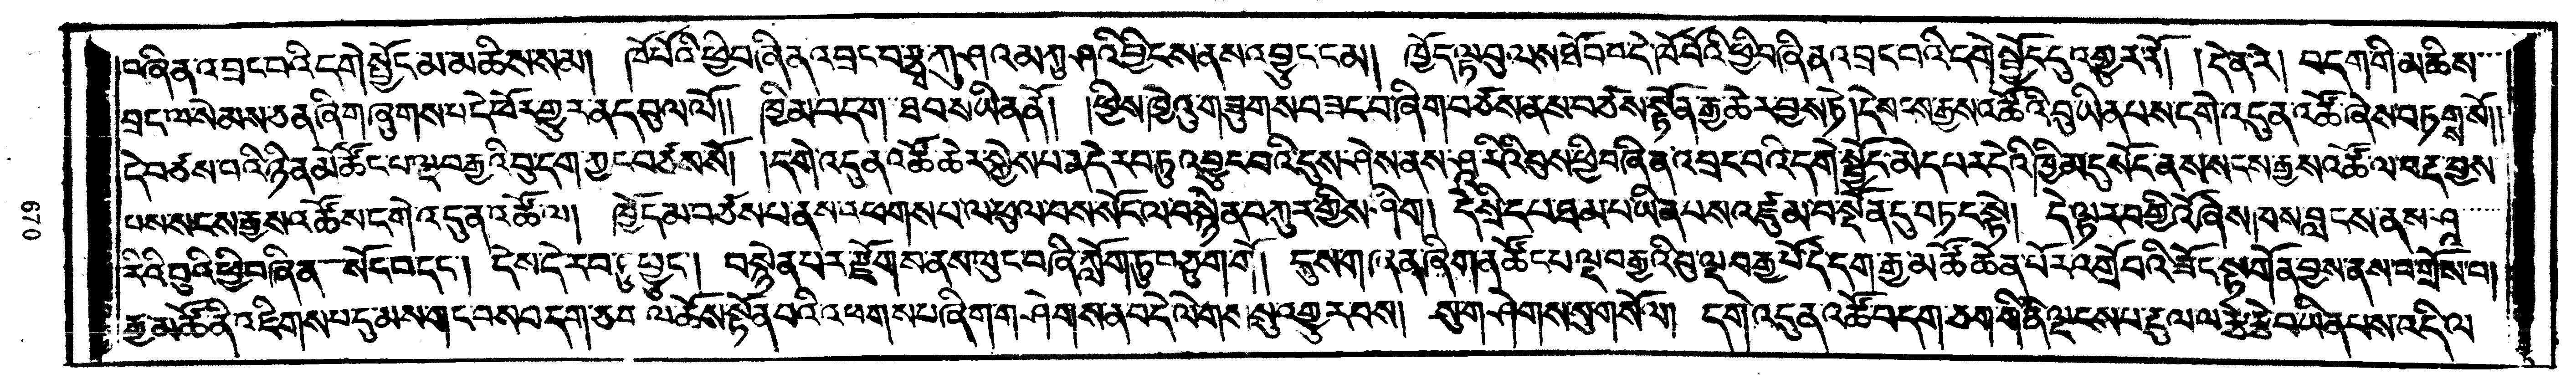བཞིན་འབྲང་བའི་དགེ་སྦྱོང་མ་མཆིས་སམ། ཁོ་བོའི་ཕྱི་བཞིན་འབྲང་བ་རྩྭ་ཀུ་ཤའམ་ཀུ་ཤའི་བྱིངས་ནས་འབྱུང་ངམ། ཁྱོད་ལྟ་བུ་ལས་ཐོབ་བ་དེ་ཁོ་བོའི་ཕྱི་བཞིན་འབྲང་བའི་དགེ་སྦྱོང་དུ་འགྱུར་རོ། །དེ་ན་རེ། བདག་གི་མཆིས་
བྲང་ལ་སེམས་ཅན་ཞིག་ཞུགས་པ་དེ་ཕོར་གྱུར་ན་དབུལ་ལོ།། ཁྱིམ་བདག་ཐབས་ཡིན་ནོ། །ཕྱིས་ཁྱེའུ་གཟུགས་བཟང་བ་ཞིག་བཙས་ནས་བཙས་སྟོན་རྒྱ་ཆེར་བྱས་ཏེ། དེ་སངས་རྒྱས་འཚོའི་བུ་ཡིན་པས་དགེ་འདུན་འཚོ་ཞེས་བཏགས་སོ།།
དེ་བཙས་པའི་ཉིན་མོ་ཚོང་པ་ལྔ་བརྒྱའི་བུ་དག་ཀྱང་བཙས་སོ། །དགེ་འདུན་འཚོ་ཆེར་སྐྱེས་པ་ན་དེ་རབ་ཏུ་འབྱུང་བའི་དུས་ཤེས་ནས་ཤཱ་རིའི་བུས་ཕྱི་བཞིན་འབྲང་བའི་དགེ་སྦྱོང་མེད་པར་དེའི་ཁྱིམ་དུ་སོང་ནས་སངས་རྒྱས་འཚོ་ལ་བརྡ་བྱས་
པས་སངས་རྒྱས་འཚོས་དགེ་འདུན་འཚོ་ལ། ཁྱོད་མ་བཙས་པ་ནས་འཕགས་པ་ལ་ཕུལ་བས་སོང་ལ་བསྙེན་བཀུར་གྱིས་ཤིག། དེ་སྲིད་པ་ཐ་མ་པ་ཡིན་པས་འཛུམ་བ་སྔོན་དུ་བཏང་སྟེ། དེ་ལྟར་བགྱིའོ་ཞེས་ཁས་བླངས་ནས་ཤཱ་
རིའི་བུའི་ཕྱི་བཞིན་སོང་བ་དང་། དེས་དེ་རབ་ཏུ་ཕྱུང་། བསྙེན་པར་རྫོགས་ནས་ལུང་བཞི་ཀློག་ཏུ་བཅུག་གོ། དུས་གཞན་ཞིག་ན་ཚོང་པ་ལྔ་བརྒྱའི་བུ་ལྔ་བརྒྱ་པོ་དེ་དག་རྒྱ་མཚོ་ཆེན་པོར་འགྲོ་བའི་ཟོང་སྟ་གོན་བྱས་ནས་བགྲོས་པ།
རྒྱ་མཚོ་ནི་འཇིགས་པ་དུ་མས་གང་བས་བདག་ཅག་ལ་ཆོས་སྟོན་པའི་འཕགས་པ་ཞིག་གཤེགས་ན་བདེ་ལེགས་སུ་འགྱུར་བས། སུ་གཤེགས་སུ་གསོལ། དགེ་འདུན་འཚོ་བདག་ཅག་གི་ནི་ལྡངས་པ་རྡུལ་ལ་རྩེ་རྩེ་བ་ཡིན་པས་འདི་ལ་